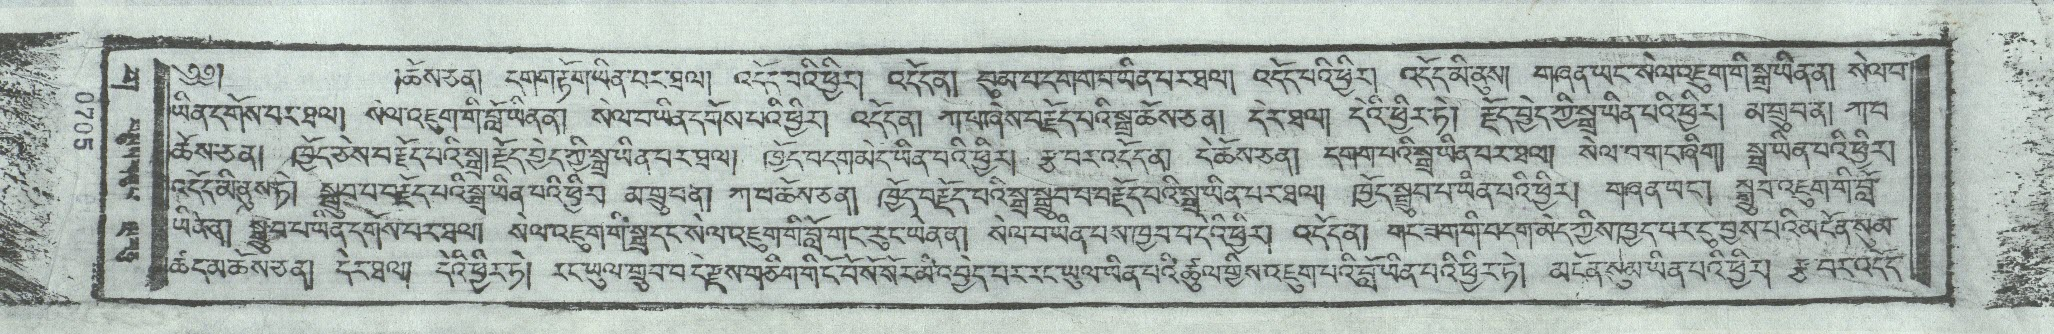༄༅། །ཆོས་ཅན། དགག་རྟོག་ཡིན་པར་ཐལ། འདོད་པའི་ཕྱིར། འདོད་ན། བུམ་པ་དགག་པ་ཡིན་པར་ཐལ། འདོད་པའི་ཕྱིར། འདོད་མི་ནུས། གཞན་ཡང་སེལ་འཇུག་གི་སྒྲ་ཡིན་ན། སེལ་བ་
ཡིན་དགོས་པར་ཐལ། སེལ་འཇུག་གི་བློ་ཡིན་ན། སེལ་བ་ཡིན་དགོས་པའི་ཕྱིར། འདོད་ན། ཀ་པ་ཞེས་བརྗོད་པའི་སྒྲ་ཆོས་ཅན། དེར་ཐལ། དེའི་ཕྱིར་ཏེ། རྗོད་བྱེད་ཀྱི་སྒྲ་ཡིན་པའི་ཕྱིར། མ་གྲུབ་ན། ཀ་བ་
ཆོས་ཅན། ཁྱོད་ཅེས་བརྗོད་པའི་སྒྲ། རྗོད་བྱེད་ཀྱི་སྒྲ་ཡིན་པར་ཐལ། ཁྱོད་བདག་མེད་ཡིན་པའི་ཕྱིར། རྩ་བར་འདོད་ན། དེ་ཆོས་ཅན། དགག་པའི་སྒྲ་ཡིན་པར་ཐལ། སེལ་བ་གང་ཞིག། སྒྲ་ཡིན་པའི་ཕྱིར།
འདོད་མི་ནུས་ཏེ། སྒྲུབ་པ་བརྗོད་པའི་སྒྲ་ཡིན་པའི་ཕྱིར། མ་གྲུབ་ན། ཀ་བ་ཆོས་ཅན། ཁྱོད་བརྗོད་པའི་སྒྲ་སྒྲུབ་པ་བརྗོད་པའི་སྒྲ་ཡིན་པར་ཐལ། ཁྱོད་སྒྲུབ་པ་ཡིན་པའི་ཕྱིར། གཞན་ཡང་། སྒྲུབ་འཇུག་གི་བློ་
ཡིན་ན། སྒྲུབ་པ་ཡིན་དགོས་པར་ཐལ། སེལ་འཇུག་གི་སྒྲ་དང་སེལ་འཇུག་གི་བློ་གང་རུང་ཡིན་ན། སེལ་བ་ཡིན་པས་ཁྱབ་པ་དེའི་ཕྱིར། འདོད་ན། གང་ཟག་གི་བདག་མེད་ཀྱིས་ཁྱད་པར་དུ་བྱས་པའི་མངོན་སུམ་
ཚད་མ་ཆོས་ཅན། དེར་ཐལ། དེའི་ཕྱིར་ཏེ། རང་ཡུལ་གྲུབ་པ་དེ་རྫས་གཅིག་གི་ངོ་བོ་སོ་སོར་མི་འབྱེད་པར་རང་ཡུལ་ཡིན་པའི་ཚུལ་གྱིས་འཇུག་པའི་བློ་ཡིན་པའི་ཕྱིར་ཏེ། མངོན་སུམ་ཡིན་པའི་ཕྱིར། རྩ་བར་འདོད་